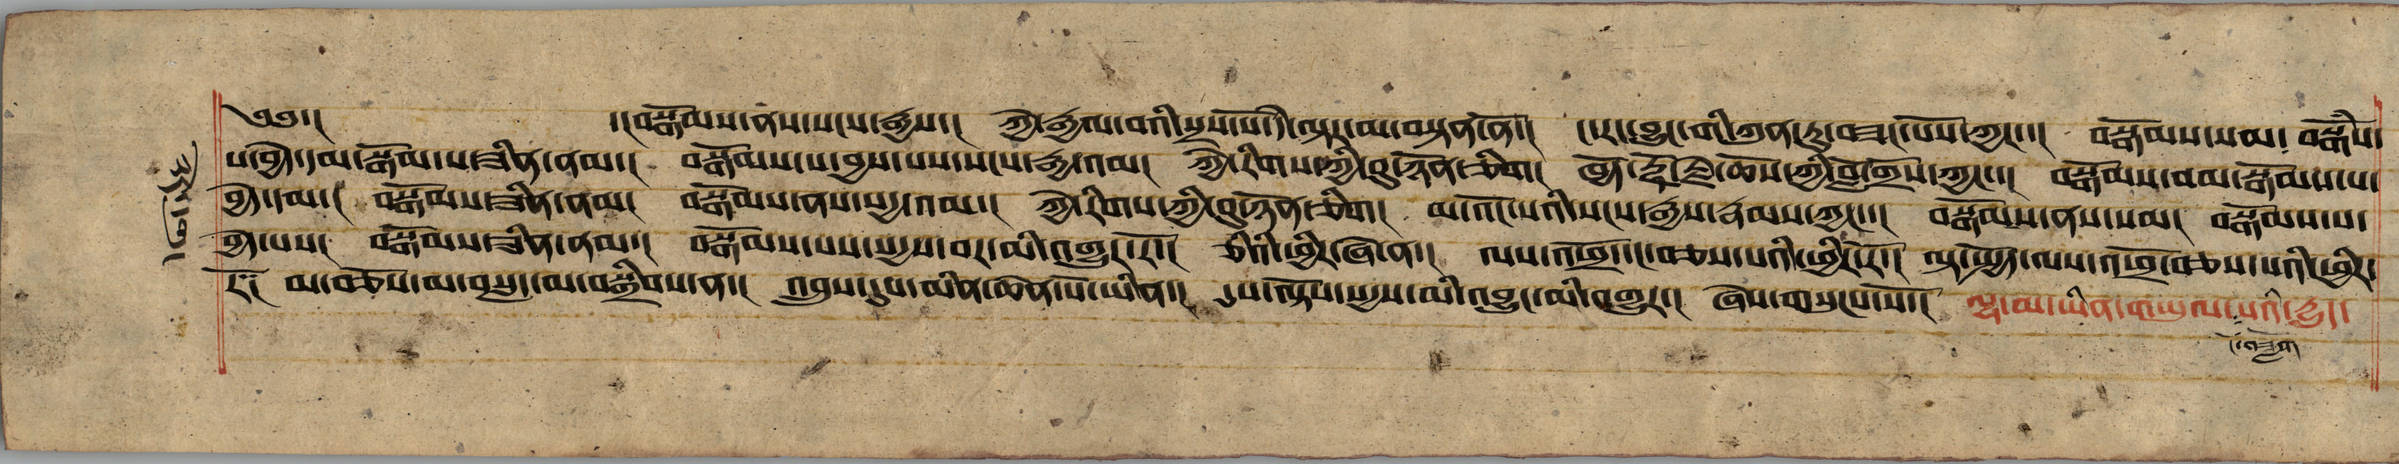༄༅་། དངབསྒོམས་ནས་སངས་རྒྱས་། ཀྱེ་རྒྱལ་བའི་སྲས་པོ་དེ་ལྟར་མ་བསྟན་ནོ་། ང་རང་བྱུང་གི་ཀུན་ཏུ་བཟང་པོས་ཀྱང་་། བསྒོམས་སམ་བསྒོཾས་
པ་བྱེད་དམ་སྒོམ་ས་ཟིན་ནམ་། བསྒོམས་པ་བྱས་པས་སངས་རྒྱ་འམ། ཀྱཻ་རིགས་ཀྱི་བུ་ཉོན་ཅིག། ཁྱོད་རྡོ་རྗེ་ཆོས་ཀྱི་བློ་གྲོས་ཀྱང་་། བསྒོམས་བམ་སྒོམས་པ་
བྱེད་དམ་། བསྒོམས་ཟིན་ནས། བསྒོམས་ནས་བདྱ་འམ་། ཀྱེ་རིགས་ཀྱི་བུ་ཉོན་ཅིག། མ་འོང་པའི་སངས་རྒྱས་རྣམས་ཀྱང་། བསྒོམས་ནས་སམ། བསྒོམས་པ་
བྱེད་པས། བསྒོམས་ཟིན་ནམ་། བསྒོམས་པས་སདྱས་བར་མི་འགྱུར་རོ་། ཅིའི་ཕྱིར་ཞེ་ན་། ལས་འཕྲོ་དང་བཅས་པའི་ཕྱིར་རོ་། ལྟ་སྤྱོད་ལས་འཕྲོ་བཅས་པའི་ཕྱིར།
རོ༑ མ་བཅོས་མ་བསླད་མ་བསྒྲིབས་ན་། འབྲུས་དུས་མིན་ཆེན་པོ་ཡིན་། དུས་ལྟོས་སདྱས་མི་འབྱུང་མི་འགྱུར་། ཞེས་གསུངས་སོ་། ལྷ་མ་ཡིན་གཡུལ་པའི་རྒྱུད་